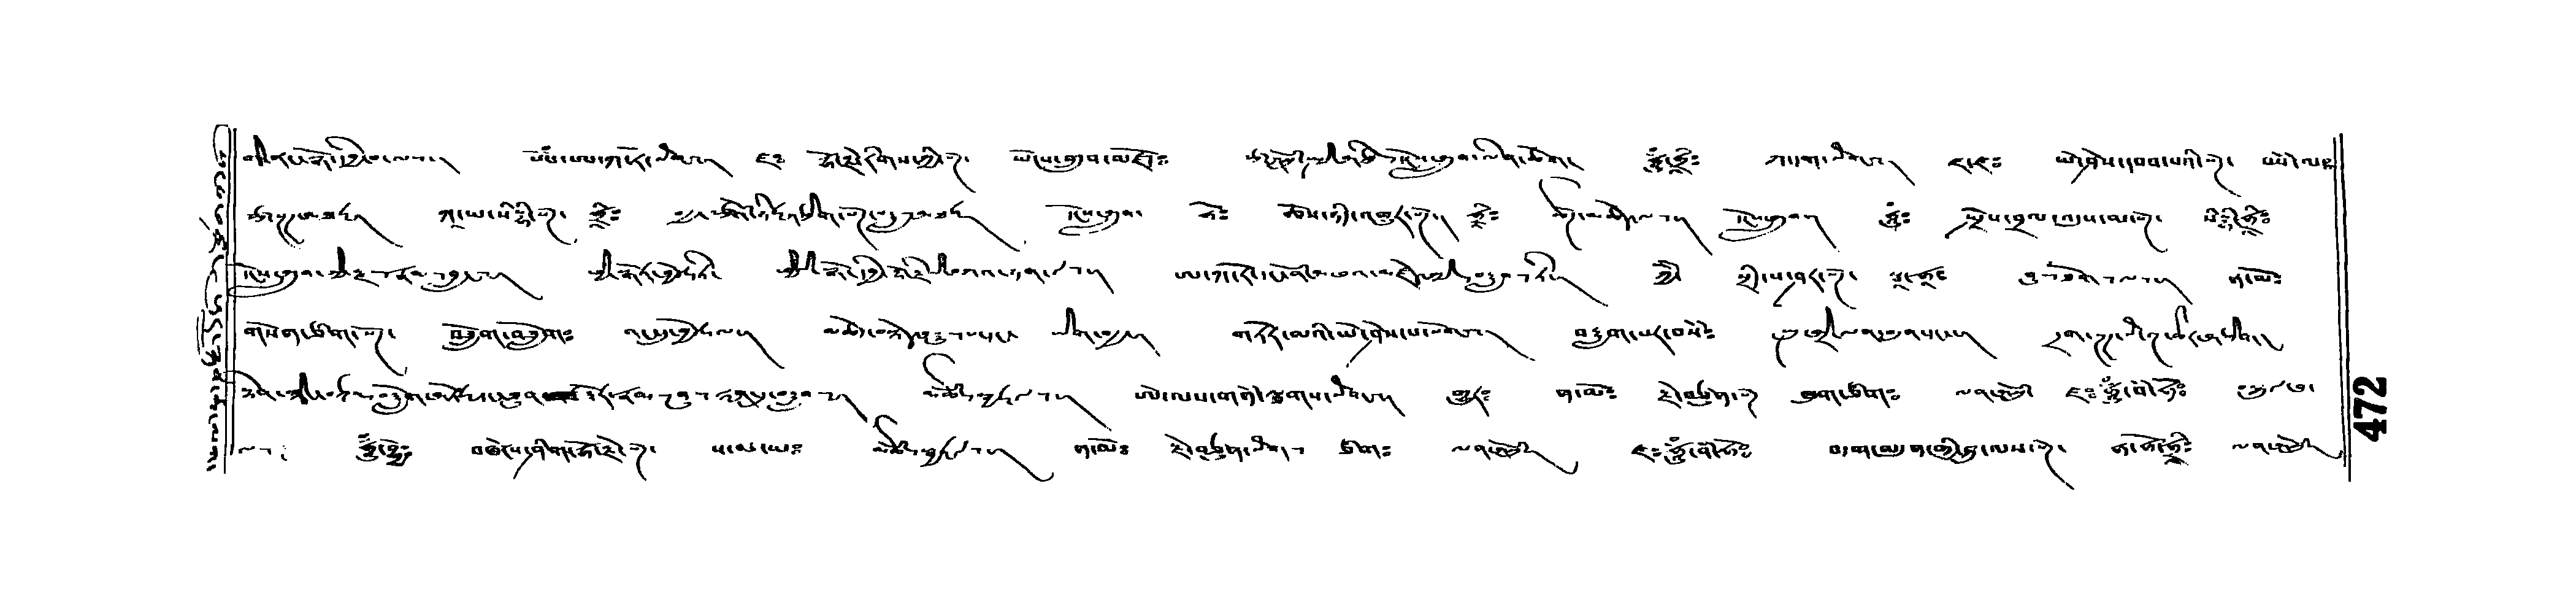གི་ནང་སྒོ་དབྱེ་བ་ལས། ཨོཾ་ཨ་ཀ་རོ་སོགས། ཛཿ རྡོ་རྗེ་རིགས་ཀྱི་སོགས། ཡོངས་གྲུབ་མཛོད༔ རྩ་གསུམ་སྤྱི་གཅེས་དངོས་གྲུབ་ལེན་ཆོག ཧཱུྃ་ཧྲཱིཿ ཀ་དག་སོགས། ཛ་ཛཿ ཡེ་ཤེས་དབབ་པའི་སོགས། བསམ་ལ༔ 
རྩ་སྔགས་མཐར། ཀཱ་ཡ་སིདྡྷི་སོགས། ཧྲཱིཿ བརྒྱ་རྩའམ་ཉེར་གཅིག་སོགས་བཟླས་མཐར། དངོས་གྲུབ། ཧོཿ ཆོས་ཉིད་འགྱུར་སོགས། ཧྲཱིཿ ཚོགས་མཆོད་ལས། དངོས་གྲུབ། ཧཱུྃ༔ སྤྲོས་བྲལ་འདུས་མ་སོགས། སིདྡྷི་ཧྲཱིཿ 
དངོས་གྲུབ་ཀྱི་རྫས་རྣམས་བླངས། ཕྱི་སྒོར་བྱོན་ཏེ། ཕྱིའི་སྒོ་དབྱེ་རྡོ་རྗེའི་བཀའ་ཉན་ལས། ཨ་ཀ་རོ་དང་ནམ་མཁའ་མཛོད་ཀྱིས་བརླབས་ཏེ། ཀྱཻ༔ སྲིད་པ་ཤར་སོགས། སྭཱ་ཧཱ༔ ནུས་ཐོགས་ལས། ན་མོ༔ 
གསོན་ཅིག་སོགས། བཟློག་བཟློག༔ ནང་དུ་འབྱོར་ལ། མཆོད་བསྟོད་བསྡུས་པ་དང་། ཡིག་བརྒྱ། གཏོར་མའི་ཡེ་ཤེས་པ་སོགས། བརླག་པར་བསམ༔ སྤུ་གྲི་ལན་བདུན་དང་། དྲག་སྔགས་སོ་ལྔ་ཆར་གཅིག 
རྟེན་སྙིང་བཅས་བཟློག་གཏོར་དང་ཐུན་ཟོར་རྣམས་ནུས་ལྡན་དུ་བརླབས། མཚམས་སྦྱར་ལས། ཨེ་ལས་གནམ་ལྕགས་སོགས། གྱུར༔ ན་མོ༔ རྗེ་བཙུན་སོགས། ཁུག་ཅིགཿ ལན་གསུམ། ཛཿཧཱུྃ་བཾ་ཧོཿ བསྐུལ་བ་
ལས། ཧཱུྃ་བྷྱོ༔ བཞེངས་ཤིག་རྡོ་རྗེ་སོགས། ས་མ་ཡ༔ མཚམས་སྦྱར་ལས། ན་མོ༔ རྗེ་བཙུན་སོགས། ཅིག༔ ལན་གསུམ། ཛཿཧཱུྃ་བཾ་ཧོཿ བདག་མདུན་གྱི་སྐུ་ལས་སོགས།ཧ་ཧོ་ཧྲཱིཿ ལན་གསུམ།